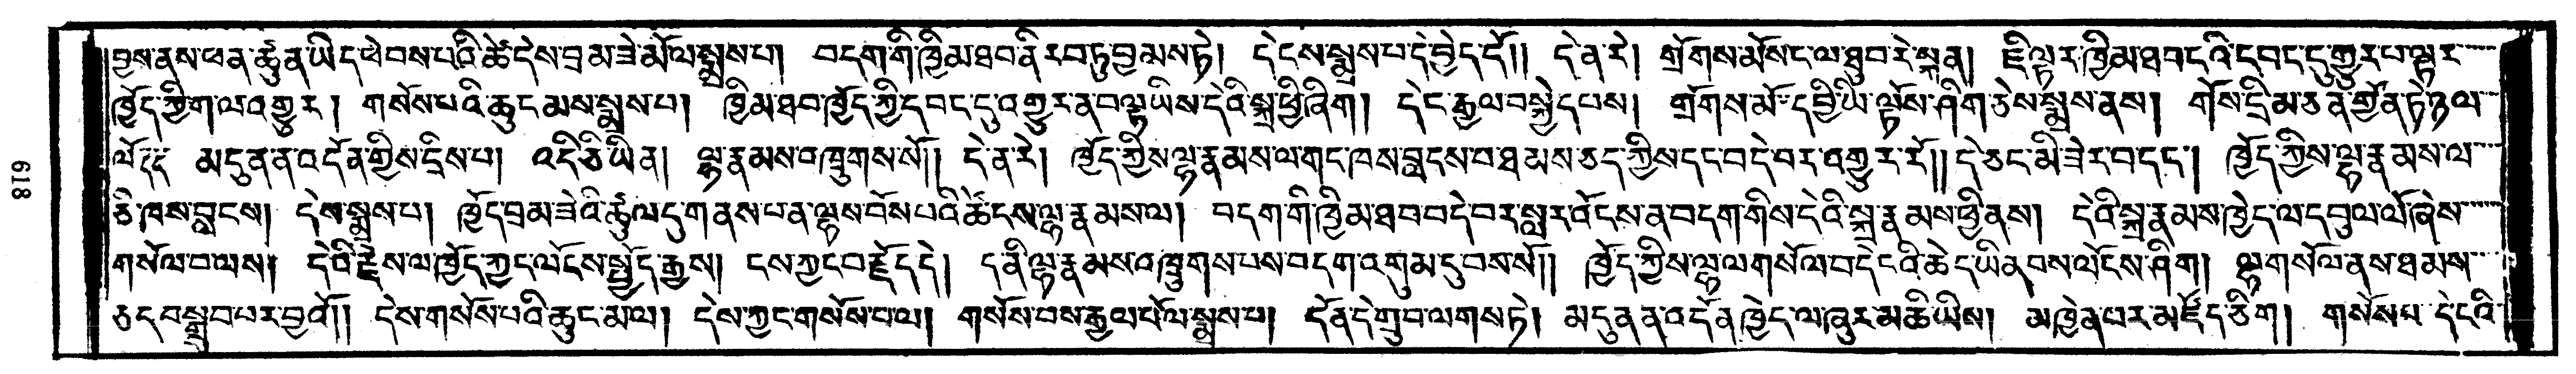བྱས་ནས་ཕན་ཚུན་ཡིད་ཕེབས་པའི་ཚེ་དེས་བྲམ་ཟེ་མོ་ལ་སྨྲས་པ། བདག་གི་ཁྱིམ་ཐབ་ནི་རབ་ཏུ་བྱམས་ཏེ། དེ་ངས་སྨྲས་པ་དེ་བྱེད་དོ།། དེ་ན་རེ། གྲོགས་མོས་ང་ལ་ཐུབ་རེ་སྐན། ཇི་ལྟར་ཁྱིམ་ཐབ་ངའི་དབང་དུ་གྱུར་པ་ལྟར་
ཁྱོད་ཀྱི་ག་ལ་འགྱུར། གསོས་པའི་ཆུང་མས་སྨྲས་པ། ཁྱིམ་ཐབ་ཁྱོད་ཀྱི་དབང་དུ་འགྱུར་ན་བལྟ་ཡིས་དེའི་སྐྲ་ཕྱི་ཞིག། དེང་རྒྱལ་བསྐྱེད་པས། གྲོགས་མོ་དབྱི་ཡི་ལྟོས་ཤིག་ཅེས་སྨྲས་ནས། གོས་དྲི་མ་ཅན་གྱོན་ཏེ་ཉལ་
ལོ༑༑ མདུན་ན་འདོན་གྱིས་དྲིས་པ། འདི་ཅི་ཡིན། ལྷ་རྣམས་འཁྲུགས་སོ།། དེ་ན་རེ། ཁྱོད་ཀྱིས་ལྷ་རྣམས་ལ་གང་ཁས་བླངས་པ་ཐམས་ཅད་ཀྱིས་དང་བདེ་བར་འགྱུར་རོ།། དེ་ཅང་མི་ཟེར་བ་དང་། ཁྱོད་ཀྱིས་ལྷ་རྣམས་ལ་
ཅི་ཁས་བླངས། དེས་སྨྲས་པ། ཁྱོད་བྲམ་ཟེའི་ཚུལ་དུ་གནས་པ་ན་ལྷས་བོས་པའི་ཚེ་ངས་ལྷ་རྣམས་ལ། བདག་གི་ཁྱིམ་ཐབ་བདེ་བར་སླར་འོངས་ན་བདག་གིས་དེའི་སྐྲ་རྣམས་ཕྱི་ནས། དེའི་སྐྲ་རྣམས་ཁྱེད་ལ་དབུལ་ལོ་ཞེས་
གསོལ་བ་ལས། དེའི་རྗེས་ལ་ཁྱོད་ཀྱང་ལོངས་སྤྱོད་རྒྱས། ངས་ཀྱང་བརྗོད་དེ། ད་ནི་ལྷ་རྣམས་འཁྲུགས་པས་བདག་འགུམ་དུ་བས་སོ།། ཁྱོད་ཀྱིས་ལྷ་ལ་གསོལ་བ་དེའི་ཆེད་ཡིན་བས་ལོངས་ཤིག། ལྷ་གསོལ་ནས་ཐམས་
ཅད་བསྒྲུབ་པར་བྱའོ།། དེས་གསོས་པའི་ཆུང་མལ། དེས་ཀྱང་གསོས་པ་ལ། གསོས་པས་རྒྱལ་པོ་ལ་སྨྲས་པ། དོན་དེ་གྲུབ་ལགས་ཏེ། མདུན་ན་འདོན་ཁྱེད་ལ་ཞུར་མཆི་ཡིས། མཁྱེན་པར་མཛོད་ཅིག། གསོས་པ་དེ་ངའི་